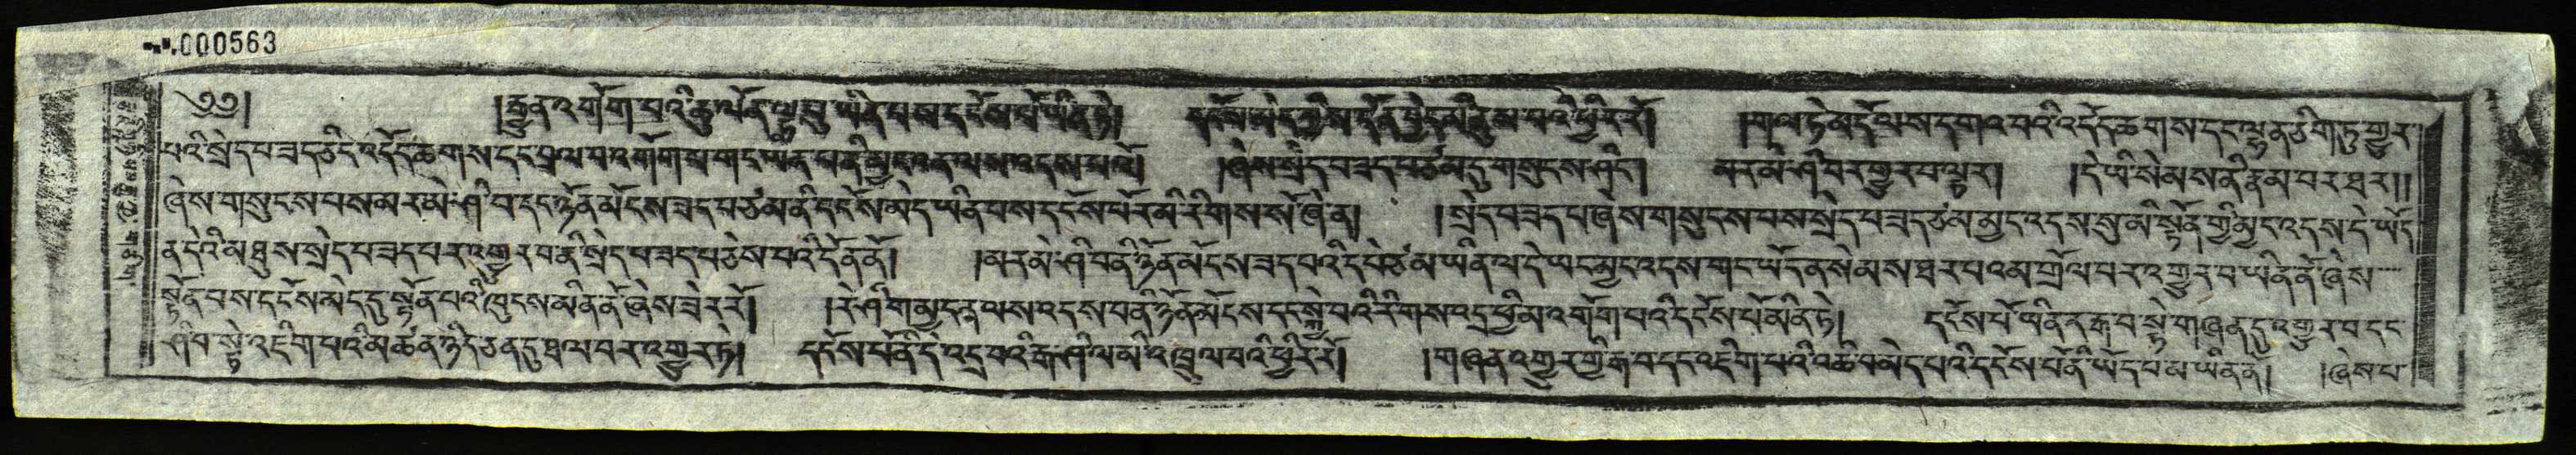༄༅། །རྒྱུན་འགོག་པའི་ཆུ་ལོན་ལྟ་བུ་ཡིན་པས་དངོས་པོ་ཡིན་ཏེ། དངོས་མེད་ཀྱིས་དོན་བྱེད་མི་ནུས་པའི་ཕྱིར་རོ། །གལ་ཏེ་མདོ་ལས་དགའ་བའི་འདོད་ཆགས་དང་ལྷན་ཅིག་ཏུ་གྱུར་
པའི་སྲིད་པ་ཟད་ཅིང་འདོད་ཆགས་དང་བྲལ་བ་འགོགས་གང་ཡིན་པ་ནི་མྱ་ངན་ལས་འདས་པའོ། །ཞེས་སྲིད་པ་ཟད་པ་ཙམ་དུ་གསུངས་ཤིང་། མར་མེ་ཤི་བར་གྱུར་བ་ལྟར། །དེ་ཡི་སེམས་ནི་རྣམ་པར་ཐར།།
ཞེས་གསུངས་པས་མར་མེ་ཤི་བ་དང་ཉོན་མོངས་ཟད་པ་ཙམ་ནི་དངོས་མེད་ཡིན་པས་དངོས་པོར་མི་རིགས་སོ་ཞེ་ན། །སྲེད་བཟད་པ་ཞེས་གསུངས་པས་སྲེད་པ་ཟད་ཙམ་མྱང་འདས་སུ་མི་སྟོན་གྱི་མྱང་འདས་དེ་ཡོད་
ན་དེའི་མཐུས་སྲེད་པ་ཟད་པར་འགྱུར་བ་ནི་སྲེད་པ་ཟད་པ་ཅེས་པའི་དོན་ནོ། །མར་མེ་ཤི་བ་ནི་ཉོན་མོངས་ཟད་པའི་དཔེ་ཙམ་ཡིན་ལ་དེ་ཡང་མྱང་འདས་གང་ཡོད་ན་སེམས་ཐར་པའམ་གྲོལ་བར་འགྱུར་བ་ཡིན་ནོ་ཞེས་
སྟོན་པས་དངོས་མེད་དུ་སྟོན་པའི་ཁུངས་མིན་ནོ་ཞེས་ཟེར་རོ། །རེ་ཤིག་མྱ་ངན་ལས་འདས་པ་ནི་ཉོན་མོངས་དང་སྐྱེ་བའི་རིགས་འདྲ་ཕྱི་མ་འགོག་པའི་དངོས་པོ་མིན་ཏེ། དངོས་པོ་ཡིན་ན་རྒ་བ་སྟེ་གཞན་དུ་འགྱུར་བ་དང་
ཤི་བ་སྟེ་འཇིག་པའི་མཚན་ཉིད་ཅན་དུ་ཐལ་བར་འགྱུར་ཏེ། དངོས་པོ་ནི་དེ་འདྲ་བའི་རྒ་ཤི་ལ་མི་འཁྲུལ་བའི་ཕྱིར་རོ། །གཞན་འགྱུར་གྱི་རྒ་བ་དང་འཇིག་པའི་འཆི་བ་མེད་པའི་དངོས་པོ་ནི་ཡོད་པ་མ་ཡིན་ནོ། །ཞེས་པ་